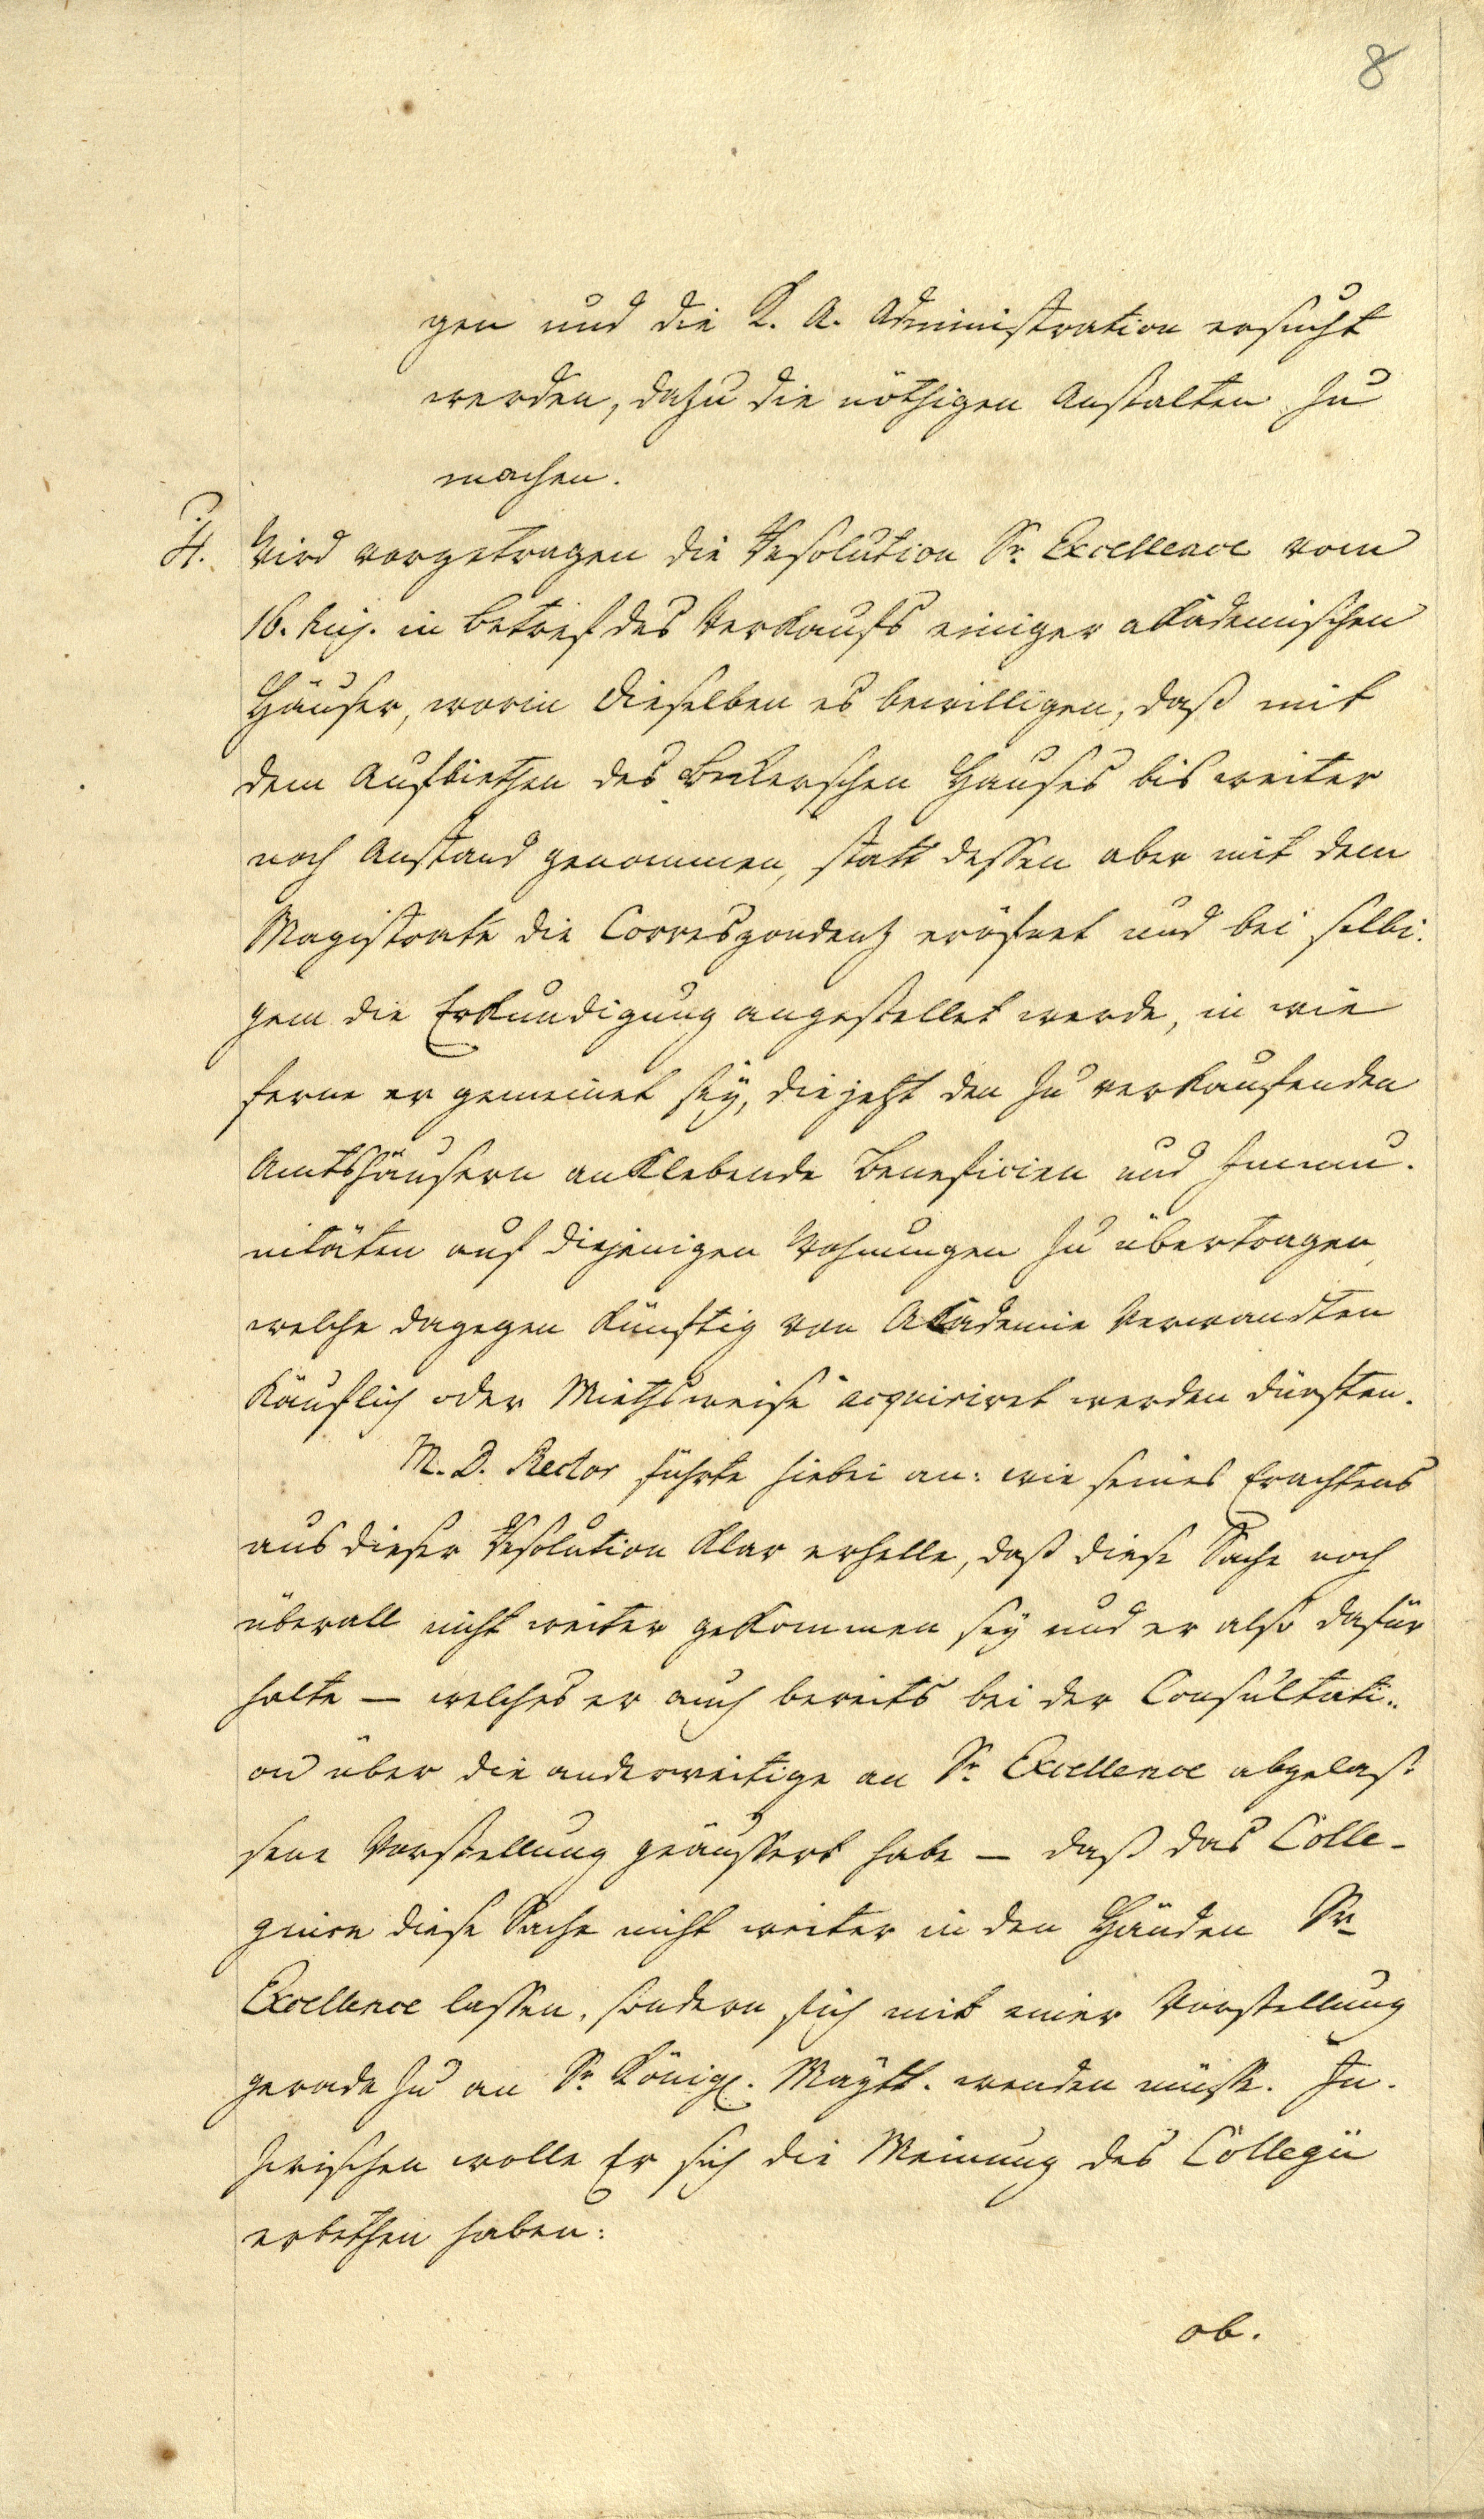gen und die K. A. Administration ersucht
werden, dazu die nöthigen Anstalten zu
machen.
4. Wird vorgetragen die Resolution Sr. Excellence vom
16. huj. in betref des Verkaufs einiger akademischen
Häuser, worin dieselben es bewilligen, daß mit
dem Aufbiethen des Beckerschen Hauses bis weiter
noch Anstand genommen, statt dessen aber mit dem
Magistrate die Correspondenz eröfnet und bei selbi¬
gem die Erkundigung angestellet werde, in wie¬
ferne er gemeinet seÿ, die jetzt den zu verkaufenden
Amtshäusern anklebende Beneficien und Immu¬
nitäten auf diejenigen Wohnungen zu übertragen
welche dagegen künftig von Akademie Verwandten
käuflich oder Miethsweise acquiriret werden dürften.
M. D. Rector führte hiebei an: wie seines Erachtens
aus dieser Resolution klar erhelle,daß diese Sache noch
überall nicht weiter gekommen seÿ und er also dafür
halte - welches er auch bereits bei der Consultati¬
on über die anderweitige an Sr. Excellence abgelas¬
sene Vorstellung geäussert habe - daß das Colle¬
gium diese Sache nicht weiter in den Händen Sr.
Excellence lassen, sondern sich mit einer Vorstellung
geradezu an Sr. Königl. Maÿtt. wenden müste. In¬
zwischen wolle Er sich die Meinung des Collegii
erbethen haben:
ob